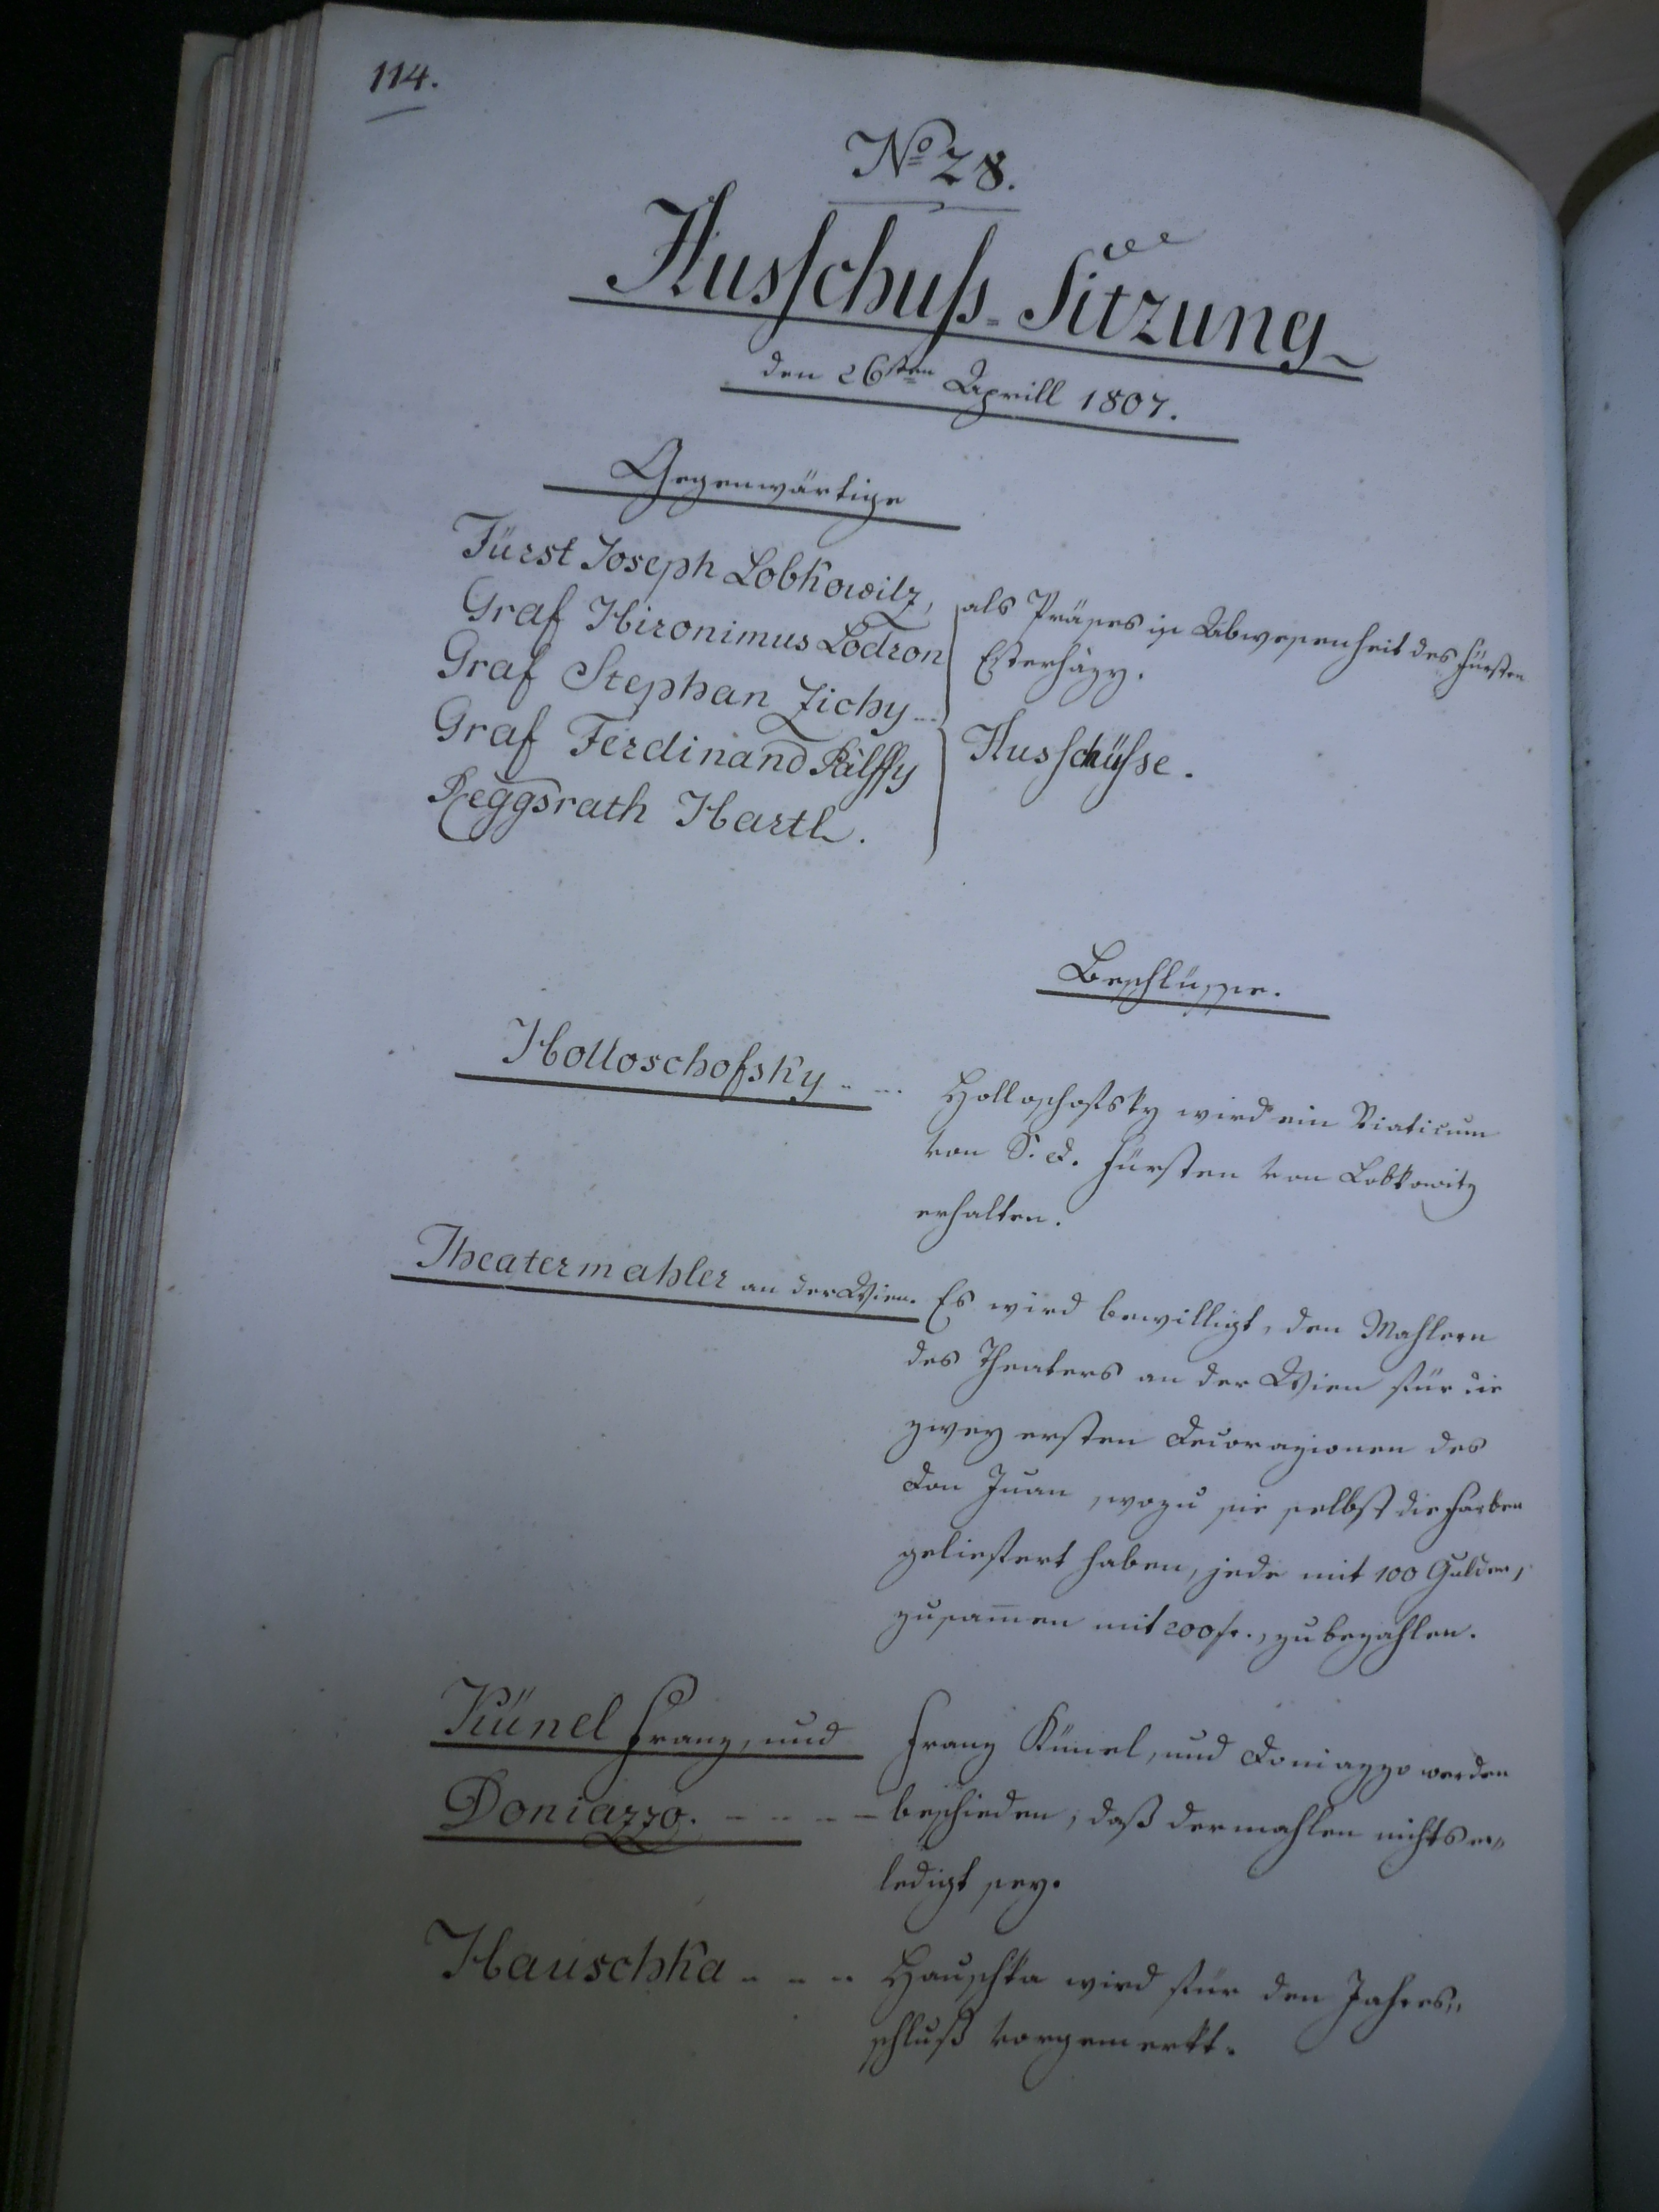114.
No͇ 28.
Ausschuss‗Sitzung
den 26ste͇n Aprill 1807.
Gegenwärtige
Fürst Joseph Lobkowitz, als Präses in Abwesenheit des Fürsten
Esterhàzy.
Graf Hironimus Lodron
Graf Stephan Zichy.
Graf Ferdinand Pàlffy
Reg͞gsrath Hartl.
Ausschüsse.
Beschlüsse.
Holloschofsky .. ... Holloschofsky wird ein Viaticum
von S. D. Fürsten von Lobkowitz
erhalten.
Theatermahler an der Wien. Es wird bewilligt, den Mahlern
des Theaters an der Wien für die
zwey ersten Decorazionen des
Don Juan, wozu sie selbst die Farben
geliefert haben, jede mit 100 Gulden,
zusam̅en mit 200fr., zu bezahlen.
Künel Franz, und
Doniazzo. .. .. .. ..
Franz Künel, und Doniazzo werden
beschieden, daß dermahlen nichts er¬
ledigt sey.
Hauschka .. .. .. Hauschka wird für den Jahres¬
schluß vorgemerkt.